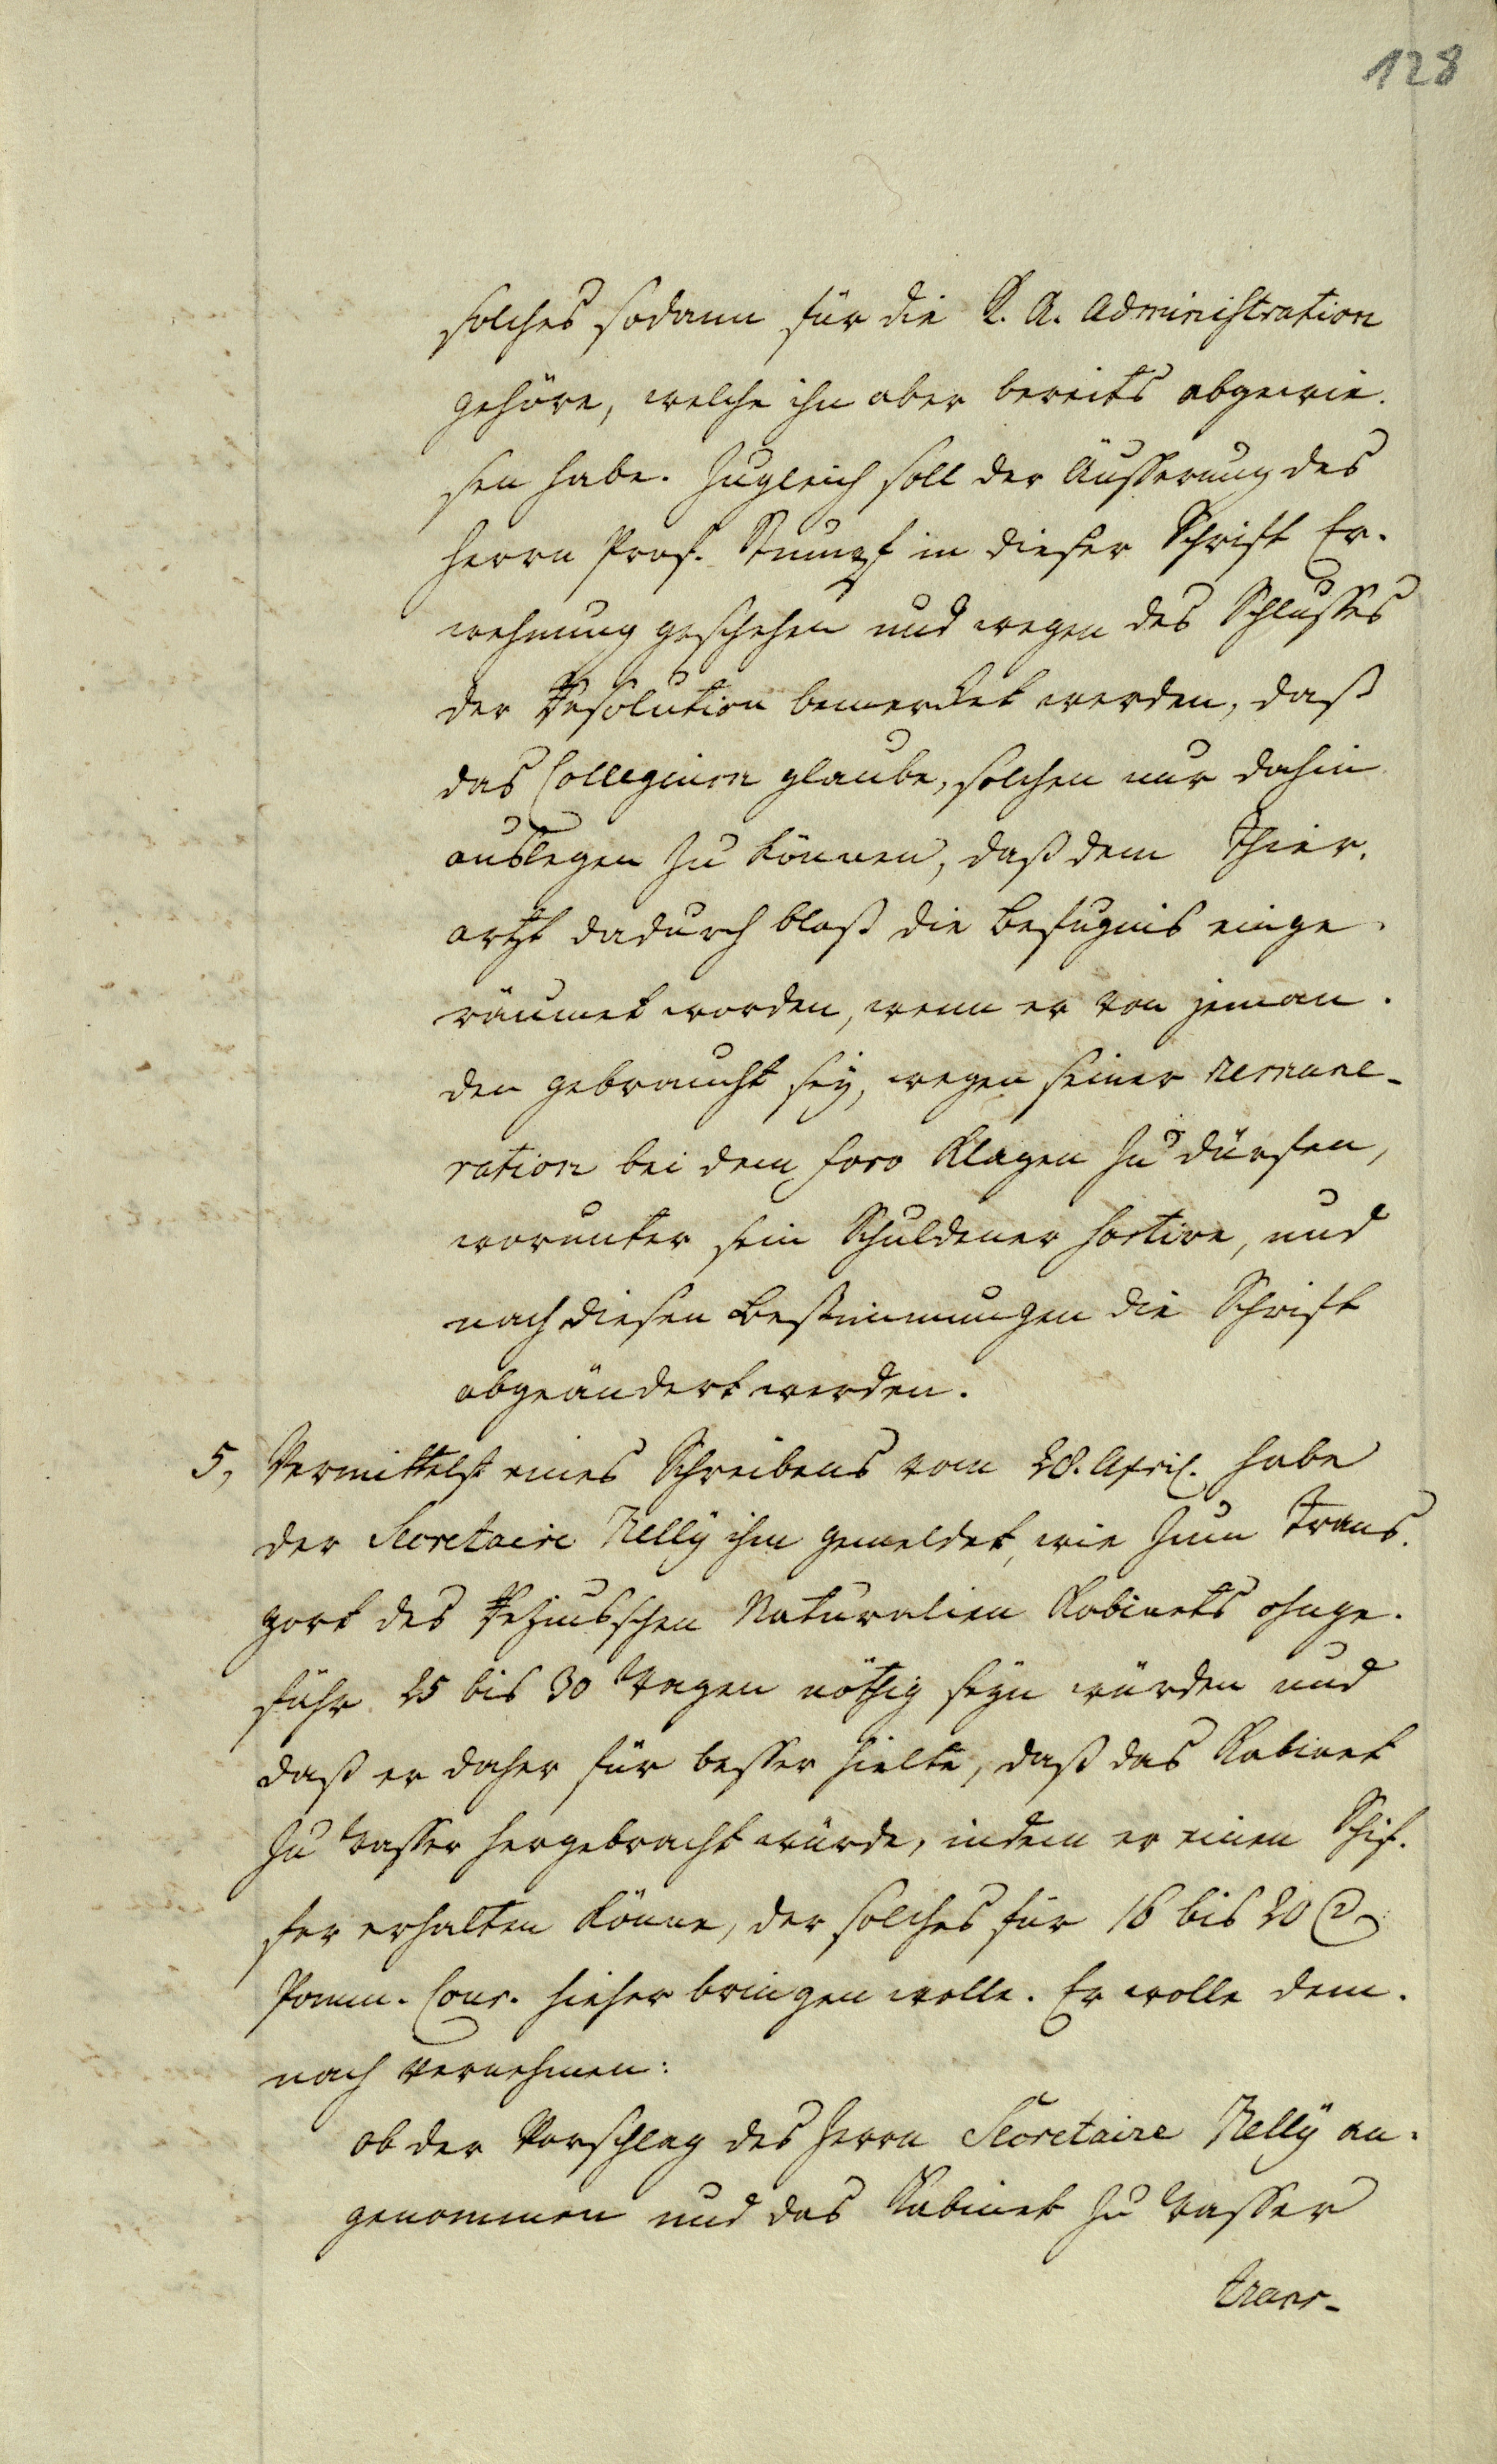solches sodann für die K. A. Administration
gehöre, welche in aber bereits abgewie¬
sen habe. Zugleich soll der Äusserung des
Herrn Prof. Stumpf in dieser Schrift Er¬
wehnung geschehen und wegen des Schlusses
der Resolution bemercket werden, daß
das Collegium glaube, solchen nur dahin
auslegen zu können, daß dem Thier¬
artzt dadurch bloß die Befugis einge¬
räumet worden, wenn er von jeman¬
den gebraucht seÿ, wegen seiner remune¬
ration bei dem Foro klagen zu dürfen,
worunter sein Schuldener sortire, und
nach diesen Bestimmungen die Schrift
abgeändert werden.
5., Vermtitelst eines Schreibens vom 28. April. habe
der Secretaire Nellÿ ihm gemeldet, wie zum Trans¬
port des Reziusschen Naturalien Kabinets ohnge¬
fähr 25 bis 30 Wagen nöthig seÿn würden und
daß er daher für besser hielte, daß das Kabinet
zu Wasser hergebracht würde, indem er einen Schif¬
fer erhalten könne, der solches für 16 bis 20 l
Pomm. Cour. hieher bringen wolle. Er wolle dem¬
nach vernehmen:
ob der Vorschlag des Herrn Secretaire Nellÿ an¬
genommen und das Kabinet zu Wasser
trans¬